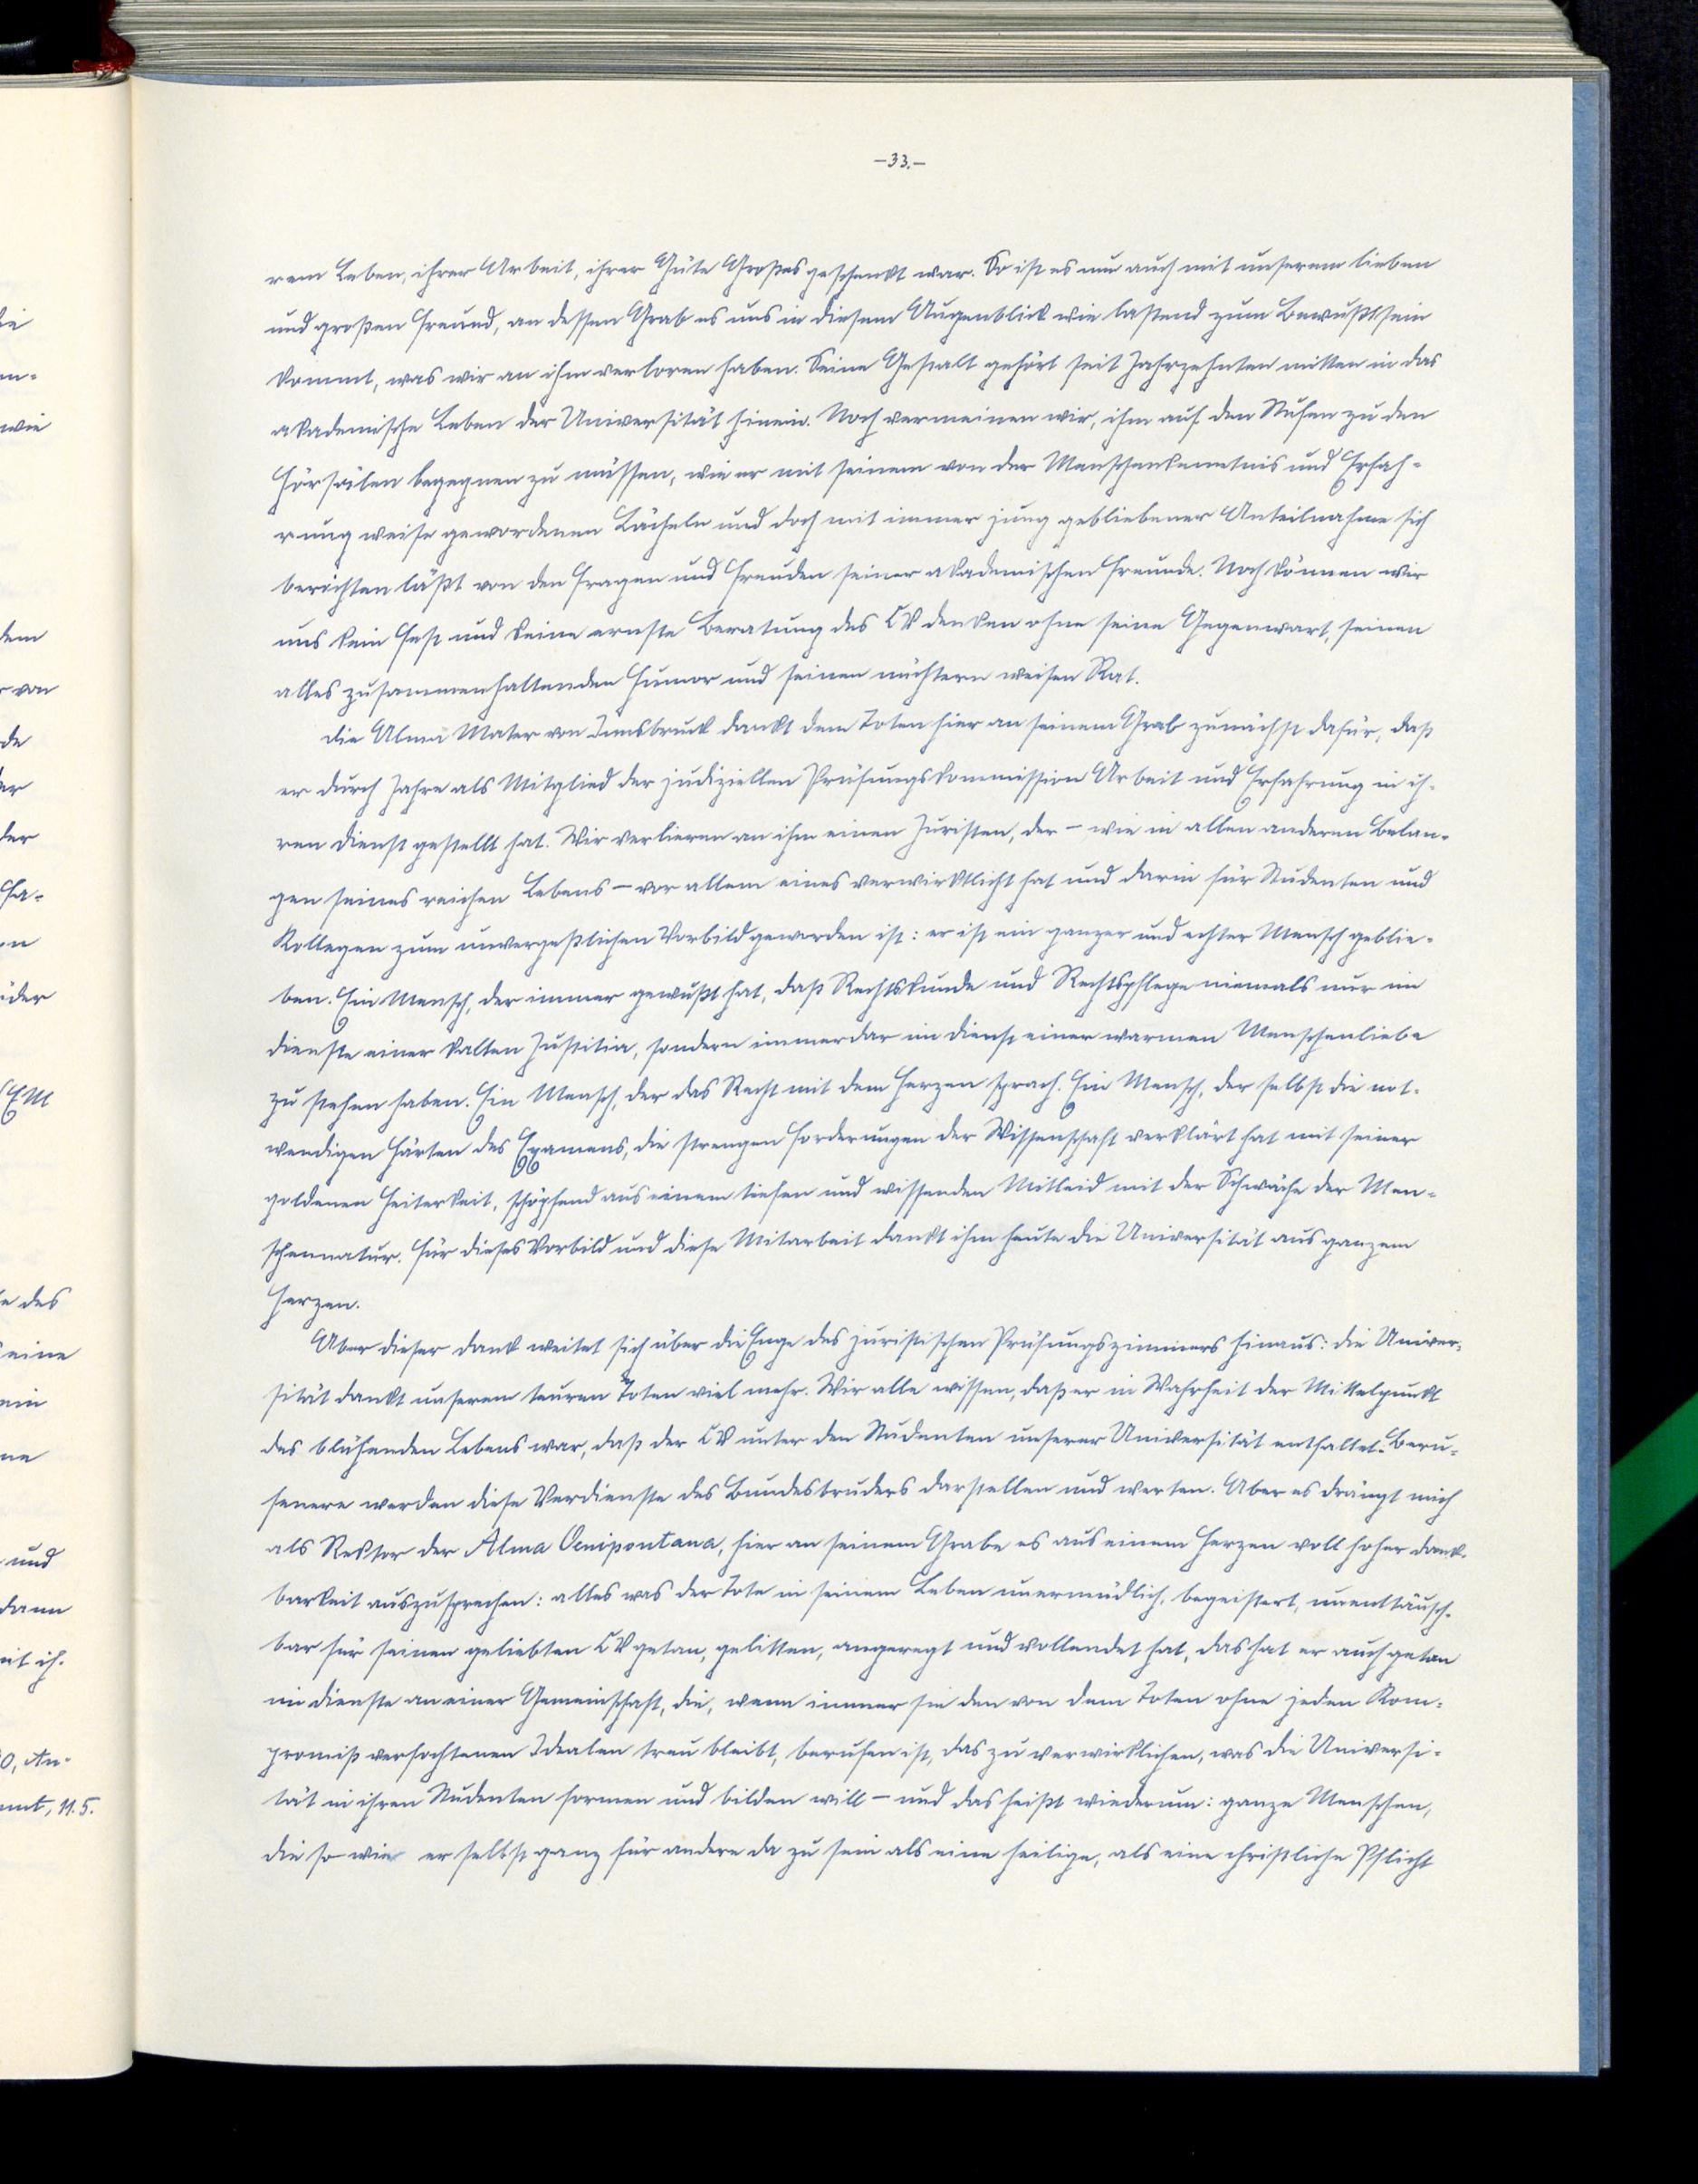33
rem Leben, ihrer Arbeit, ihrer Güte Großes geschenkt war. So ist es nun auch mit unserem lieben
und großen Freund, an dessen Grab es uns in diesem Augenblick wie lastend zum Bewusstsein
kommt, was wir an ihm verloren haben. Seine Gestalt gehört seit Jahrzehnten mitten in das
akademische Leben der Universität hinein. Noch vermeinen wir, ihm auf den Stufen zu den
Hörsälen begegnen zu müssen, wie er mit seinem von der Menschenkenntnis und Erfahr-
ung weise gewordenen Lächeln und doch mit immer jung gebliebener Anteilnahme sich
berichten lässt von den Fragen und Freuden seiner akademischen Freunde. Noch können wir
uns kein Fest und keine ernste Beratung des CV denken ohne seine Gegenwart, seinen
alles zusammenhaltenden Humor und seine nüchtern weisen Rat.
Die Alma Mater von Innsbruck dankt dem Toten hier an seinem Grab zunächst dafür, daß
er durch Jahre als Mitglied der offiziellen Prüfungskommission Arbeit und Erfahrung in ich-
ren Dienst gestellt hat. Wir verlieren an ihm einen Juristen, der - wie in allen anderen Belan-
gen seines reichen Lebens - vor allem eines verwirklicht hat und darin für Studenten und
Kollegen zum unvergeßlichen Vorbild geworden ist: er ist ein ganzer und echter Mensch geblie-
ben. Ein Mensch, der immer gewußt hat, dass Rechtskunde und Rechtspflege niemals nur im
Dienste einer kalten Justitia, sondern immerdar im Dienste eines einer warmen Menschenliebe
zu stehen haben. Ein Mensch, der das Recht mit dem Herzen sprach. Ein Mensch, der selbst die not-
wendigen Härten des Examens, die strengen Forderungen der Wissenschaft erklärt hat mit seiner
goldenen Heiterkeit, schöpfend aus einem tiefen und wissenden Mitleid mit der Schwäche der Men-
schennatur. Für dieses Vorbild und diese Mitarbeit dankt ihm heute die Universität aus ganzem
Herzen.
Aber dieser Dank weitet sich über die Enge des juristischen Prüfungszimmers hinaus: Die Univer-
sität dankt unserem teuren Toten viel mehr. Wir alle wissen, daß er in Wahrheit der Mittelpunkt
des blühenden Lebens war, daß der CV unter den Studenten unserer Universität entfaltet. Beru-
fenere werden diese Verdienste des Bundesbruders darstellen und werten. Aber es drängt mich
als Rektor der Alma Oenipontana, hier an seinem Grabe es aus einem Herzen voll hoher Dank-
barkeit auszusprechen: alles was der Tote in seinem Leben unermüdlich, begeistert, unenttäusch-
bar für seinen geliebten CV getan, gelitten, angeregt und vollendet hat, das hat er getan
im Dienste an einer Gemeinschaft, die, wenn immer sie den von dem Toten ohne jeden Kom-
promiss verfochtenen Idealen treu bleibt, berufen ist, das zu verwirklichen was die Universi-
tät in ihren Studenten formen und bilden spielen will - und das heißt wiederum: ganze Menschen,
die so wie er selbst ganz für andere da zu sein als eine heilige, als eine christliche Pflicht